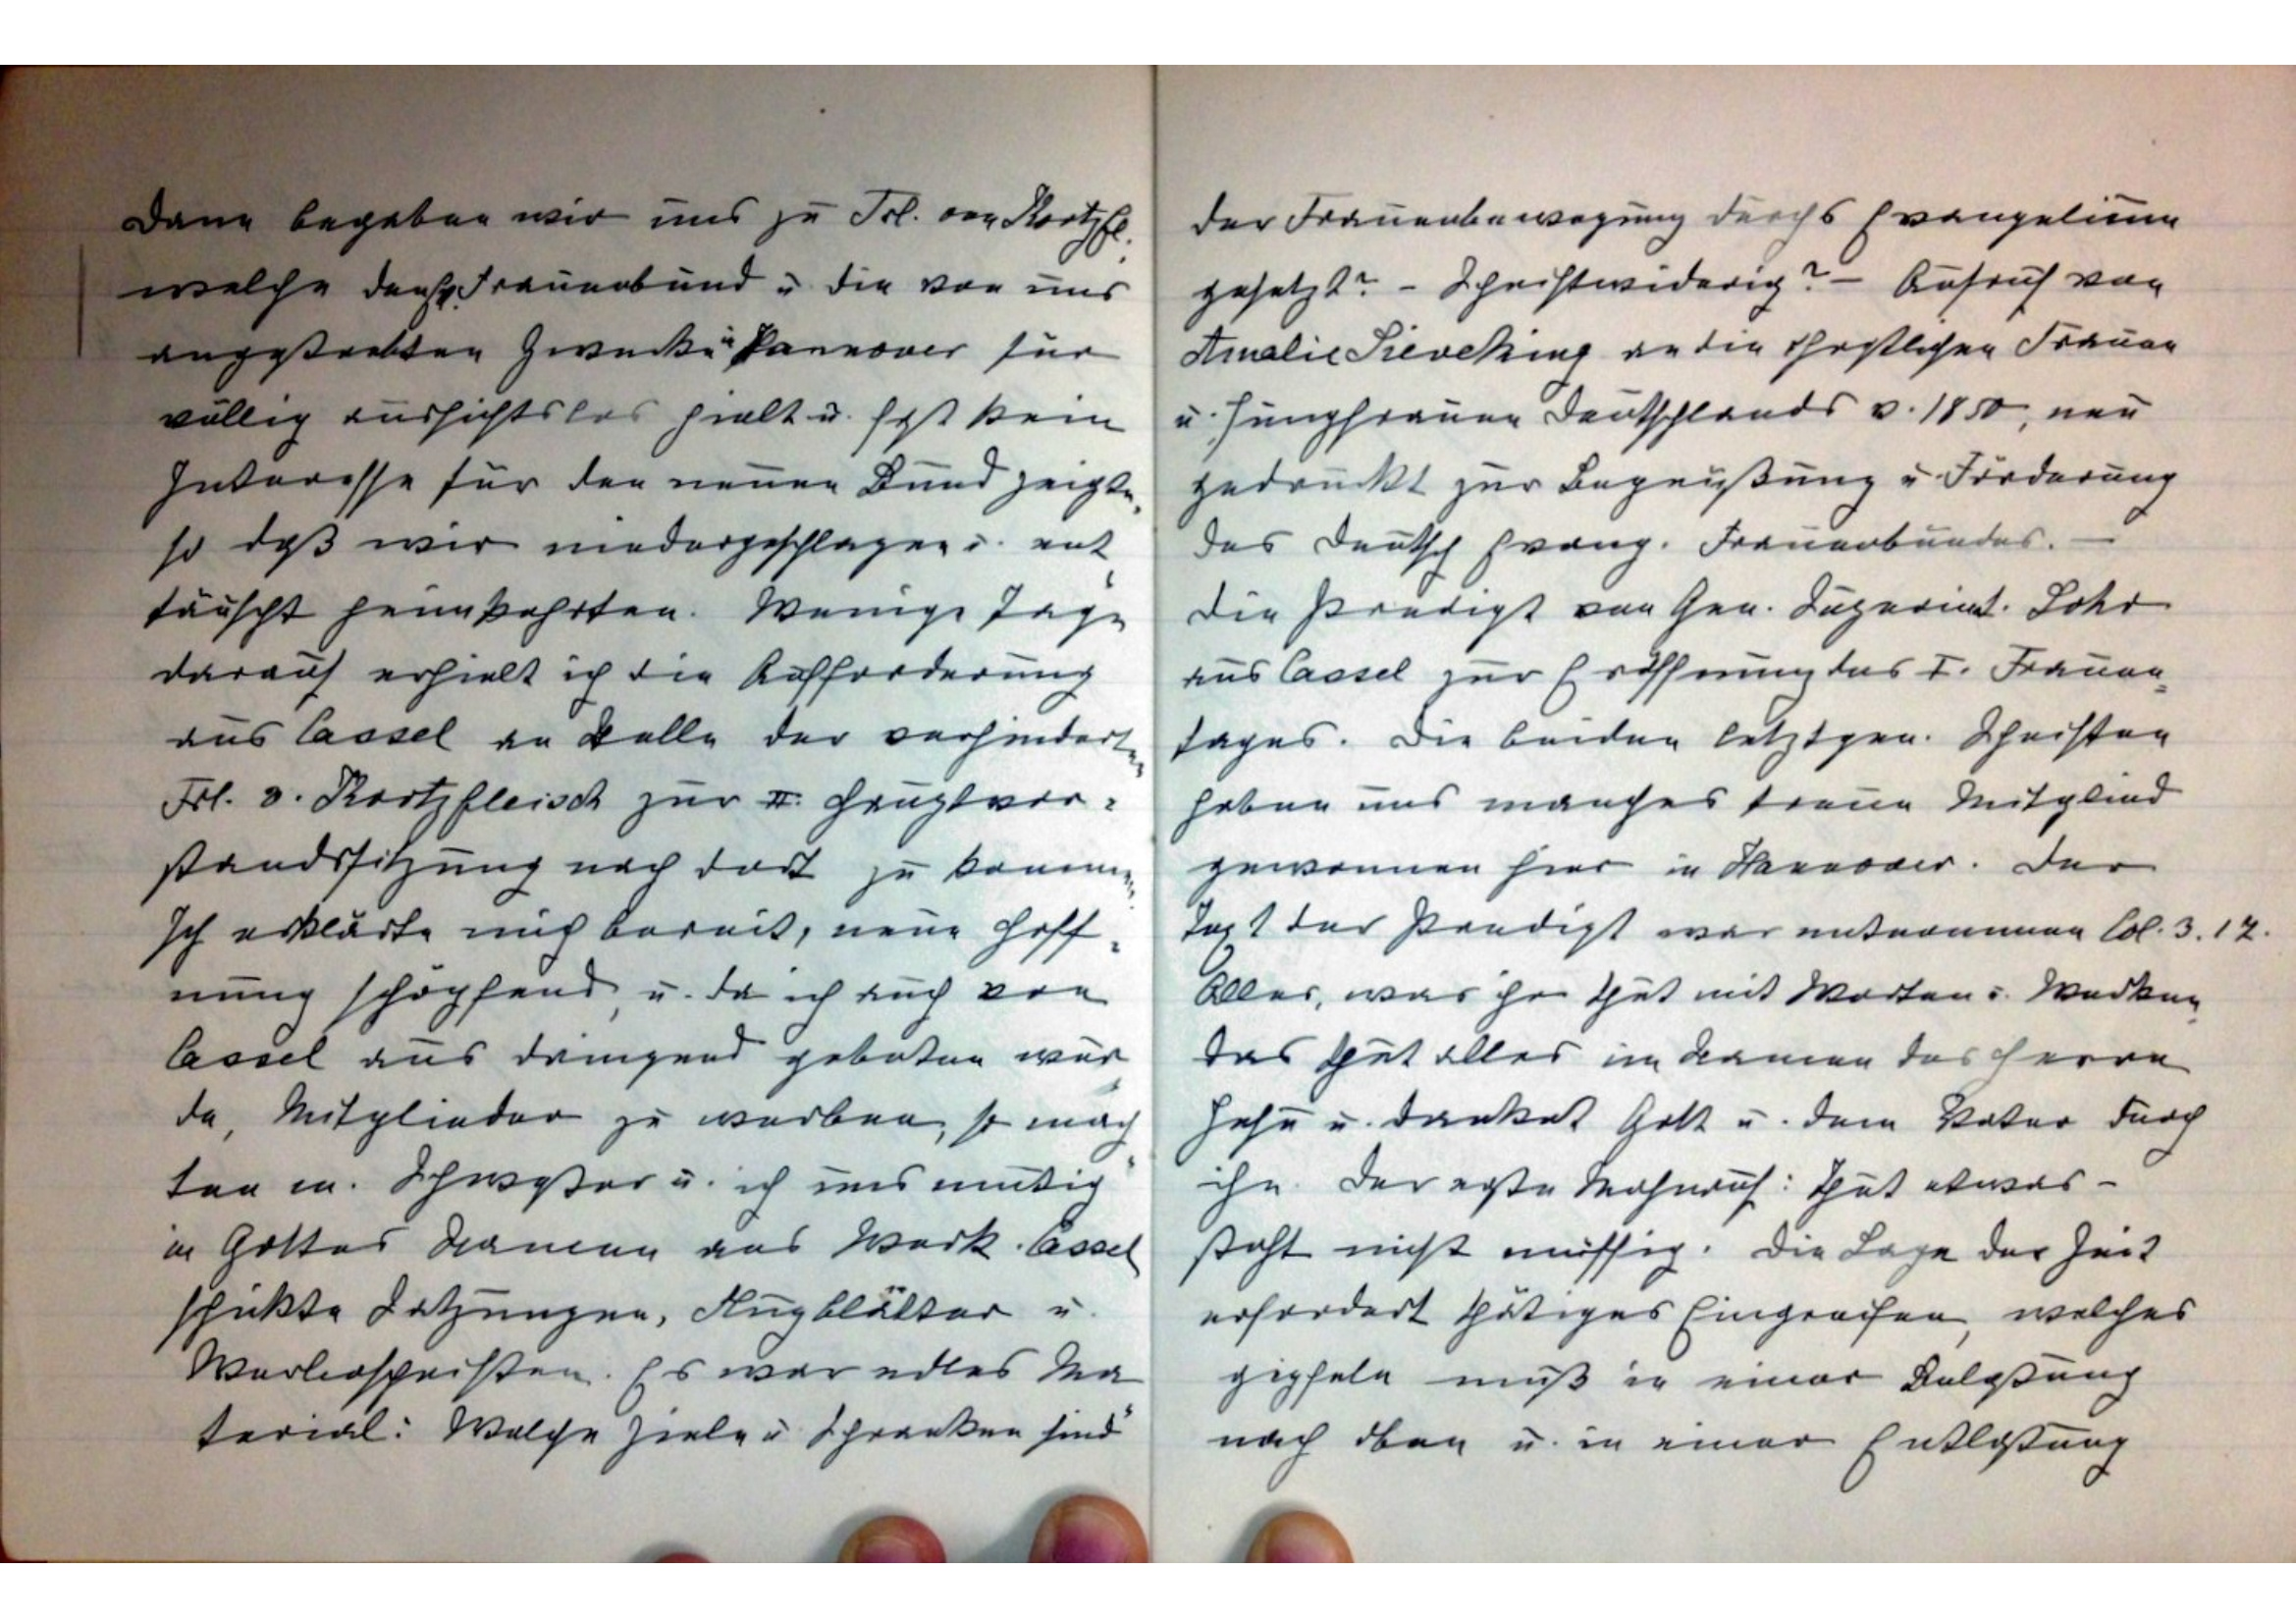Dann begaben wir uns zu Frl. von Kortzfl.
welche den Ev. Frauenbund u. die von uns
angestebten Zwecke in Hannover für
völlig aussichtslos hielt u. fast kein
kein Interesse für den neuen Bund zeigte.
So daß wir niedergeschlagen u. ent
täuscht heimkehrten. Wenige Tage
darauf erhielt ich die Aufforderung
aus Cassel an Stelle der verhinderten
Frl. v. Kortzfleisch zur II. Hauptvor
Hauptvorstandssitzung nach dort zu kommen.
Ich erklärte mich bereit, neue Hoff
Hoffnung schöpfend u. da ich auch von
Cassel aus dringend gebeten wur
de Mitglieder zu werben, so mach
ten m. Schwester u. ich uns mutig
in Gottes Namen ans Werk. Cassel
Cassel schickte Satzungen, Flugblätter u.
Werbeschriften. Es war edles Ma
terial: Welche Ziele und Schranken sind
der Frauenbewegung durch d. Evangelium
gesetzt? - Schriftwiderig ?- Aufwuf von
Amalie Sieveking an die christlichen Frauen
u. Jungfrauen Deutschlands v. 1850, neu
gedruckt zur Begrüßung u. Förderung
des deutsch Evang. Frauenbundes -
Die Predigt von Gen. Superint. Lohr
aus Cassel zur Eröffnung des I. Frauen
Frauentages. Die beiden letzten Schriften
Schriften haben uns manches treue Mitglied
gewonnen hier in Hannover. Der
Text der Predigt war entnommen Col 3.17.
Alles, was ihr thut mit Worten u. Werken,
das thut alles im Namen des Herrn
Jesu u. danket Gott u, dem Vater durch
ihn. Der erste Weheruf: Thut etwas –
steht nicht müssig. Die Lage der Zeit
erfordert thätiges Eingreifen, welches
gipfeln muß in einer Belastung
nach oben u. in einer Entlastung